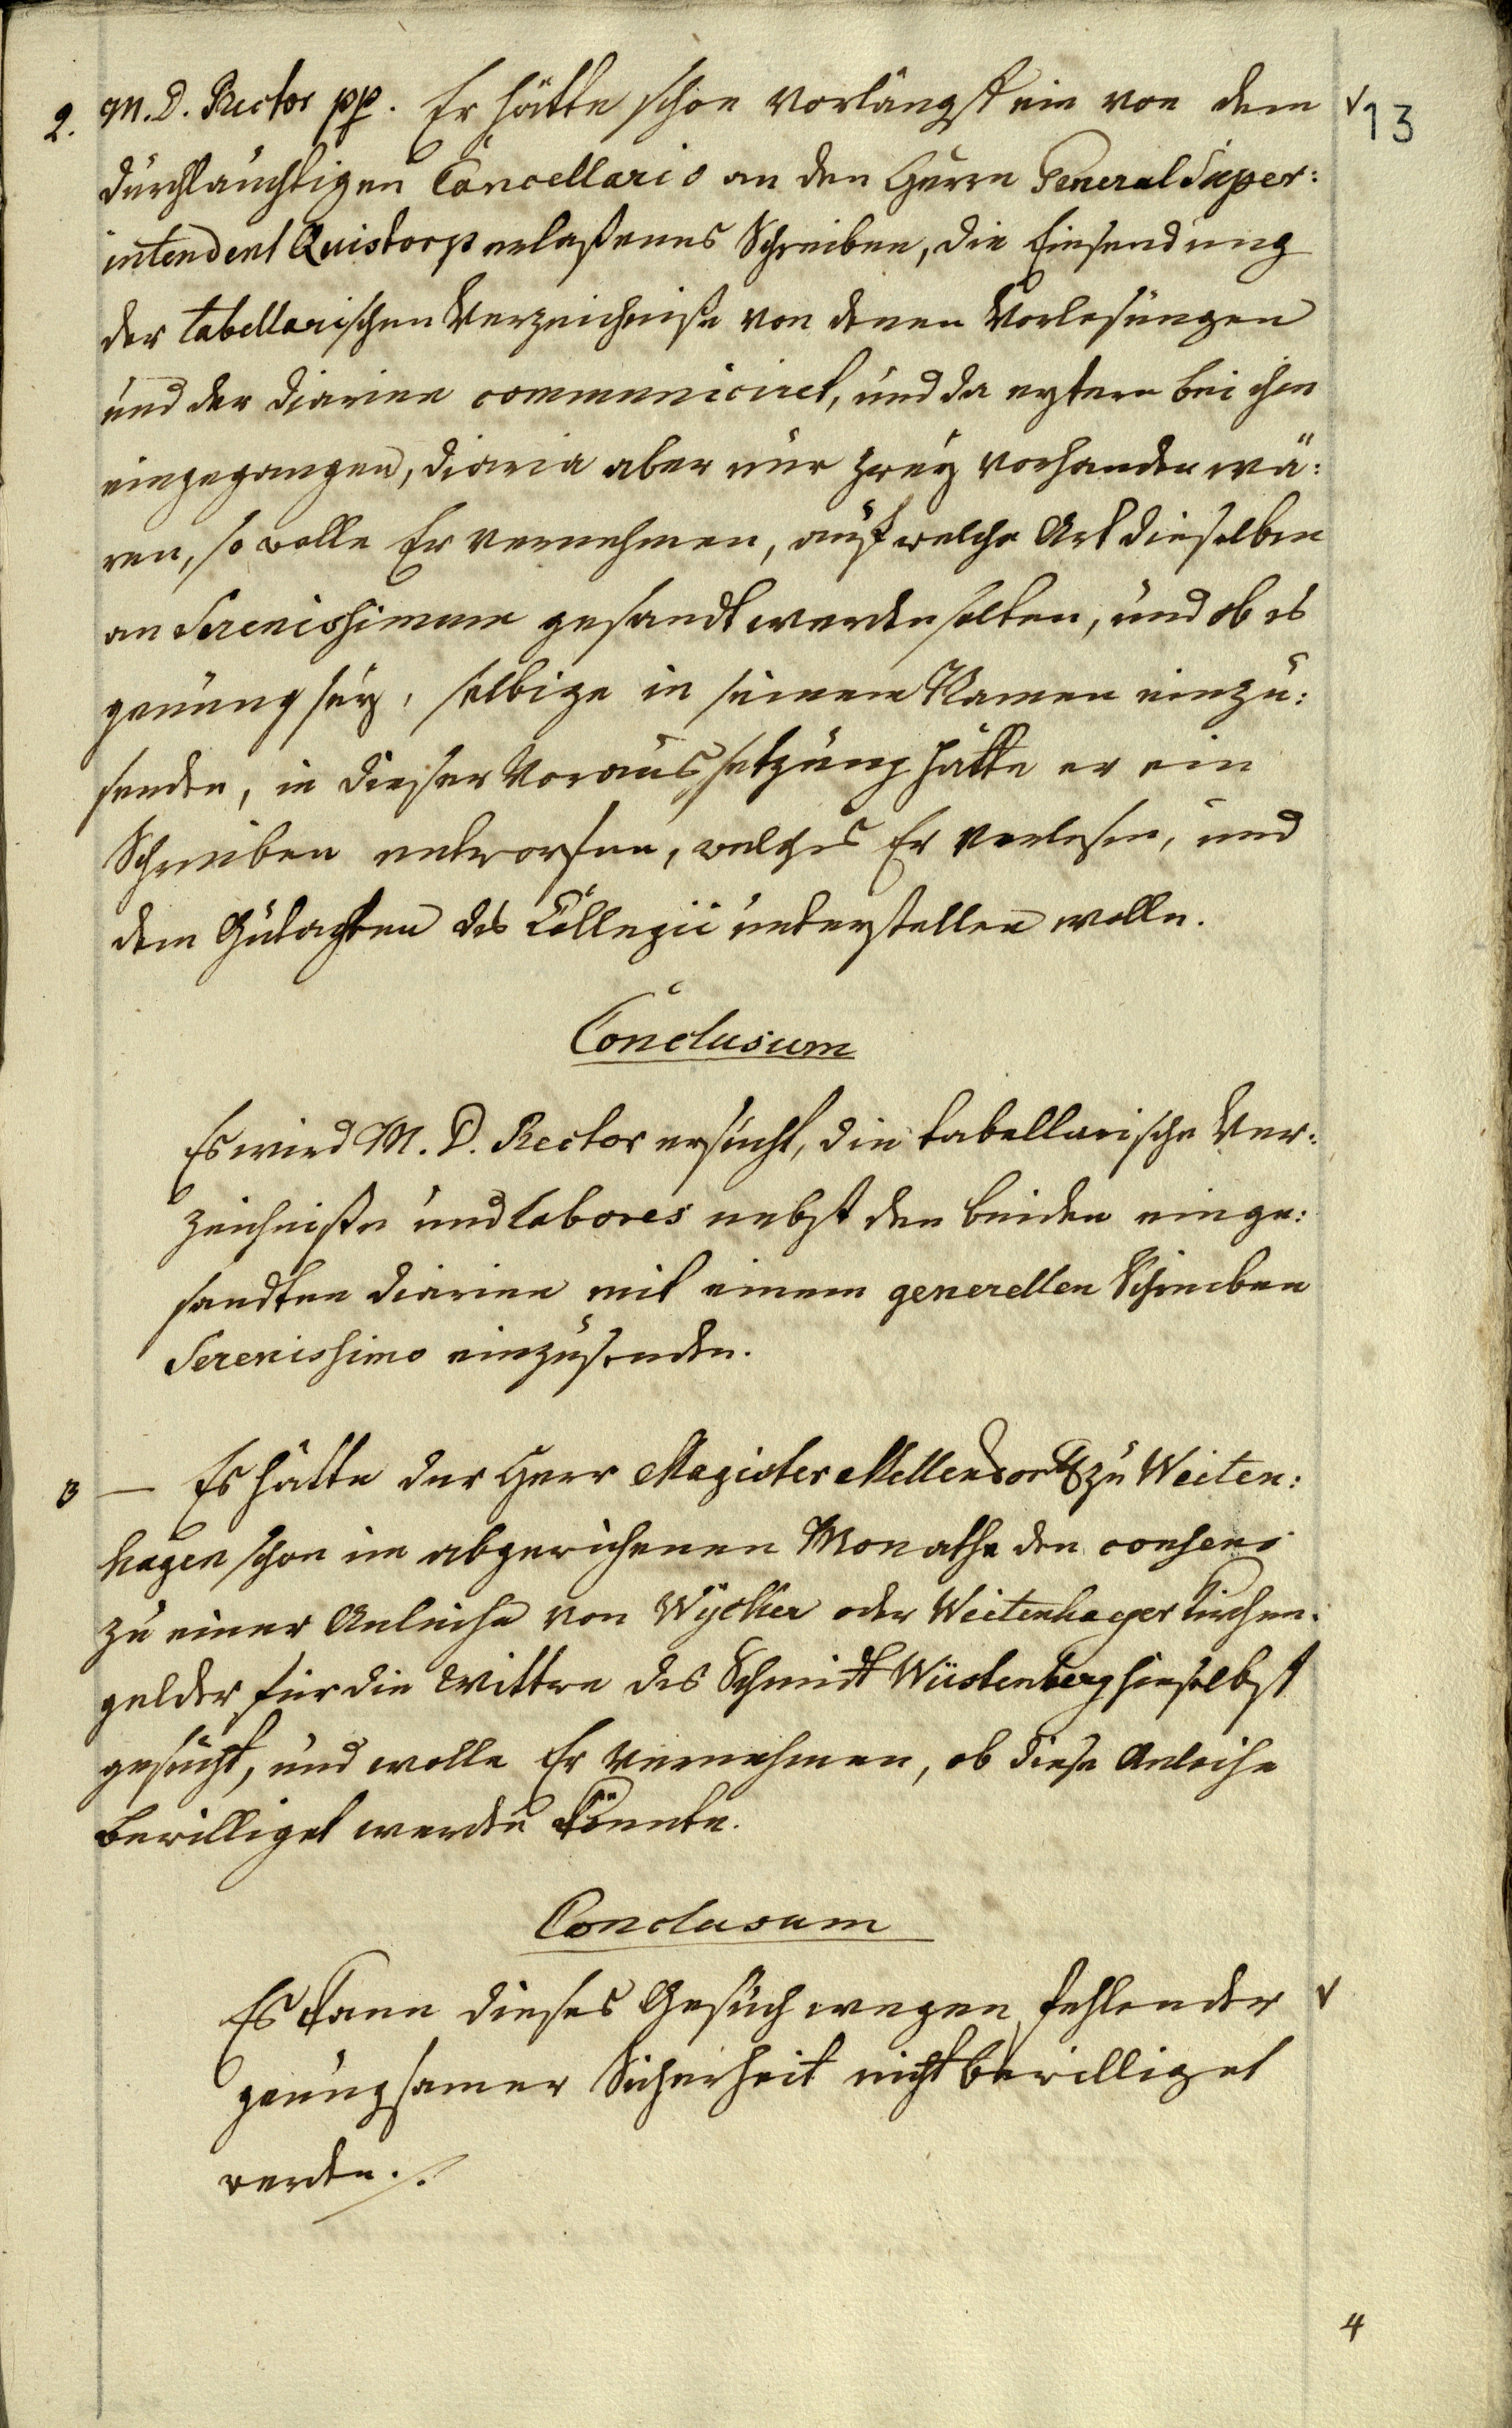2. M. D. Rector pp. Er hätte schon vorlängst ein von dem
Durchläuchtigen Cancellario an den Herrn GeneralSuper¬
intendent Quistorp erlaßenes Schreiben, die Einsendung
der tabellarischen Verzeichniße von denen Vorlesungen
und der diarien communiciret, und da erstere bei ihm
eingegangen, diaria aber nur zweÿ vorhanden wä¬
ren, so wolle Er vernehmen, auf welche Art dieselben
an Serimissimum gesandt werden solten, und ob es
genung seÿ, selbige in seinem Namen einzu¬
senden, in dieser Voraussetzung hätte er ein
Schreiben entworfen, welches Er verlesen, und
dem Gutachten des Collegii unterstellen wolle.
Conclusum
Es wird M. D. Rector ersucht, die tabellarische Ver¬
zeichniße und labores nebst den beiden einge¬
sandten diarien mit einem generellen Schreiben
Serenissimo einzusenden.
3. Es hätte der Herr Magister Mellendorff zu Weiten¬
hagen schon im abgewichenen Monathe den consens
zu einer Anleihe von Wÿcker oder Weitenhhaeger Kirchen¬
gelder für die Wittwe des Schmidt Wüstenberg hieselbst
gesucht, und wolle Er vernehmen, ob diese Anleihe
bewilliget werden könnte.
Conclusum
Es kann dieses Gesuch wegen fehlender
genügsamer Sicherheit nicht bewilliget
werden.